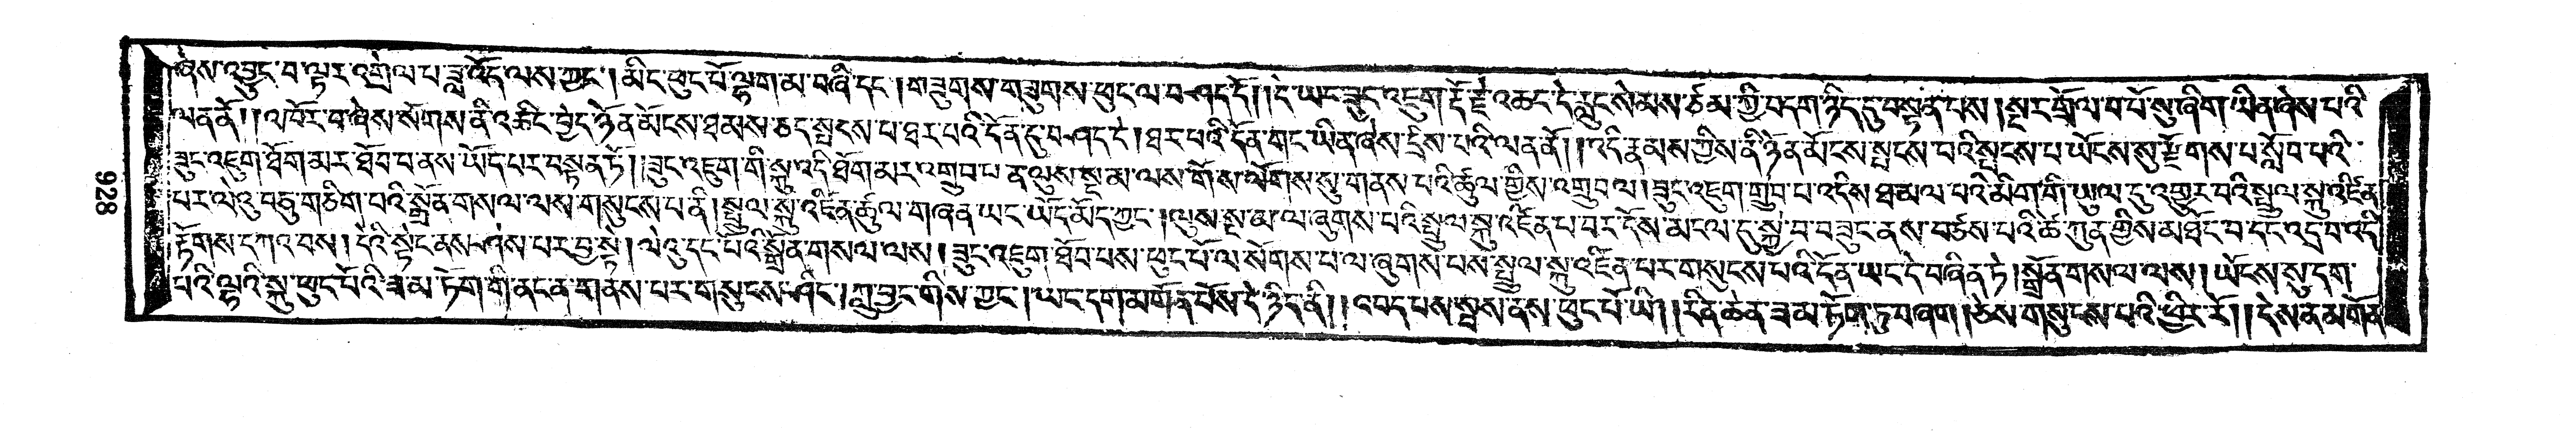ཞེས་འབྱུང་བ་ལྟར་འགྲེལ་པ་ཟླ་འོད་ལས་ཀྱང་། མིང་ཕུང་པོ་ལྷག་མ་བཞི་དང་། གཟུགས་གཟུགས་ཕུང་ལ་བཤད་དོ། །དེ་ཡང་ཟུང་འཇུག་རྡོ་རྗེ་འཆང་དེ་རླུང་སེམས་ཙམ་གྱི་བདག་ཉིད་དུ་བསྟན་པས། སྔར་གྲོལ་བ་པོ་སུ་ཞིག་ཡིན་ཞེས་པའི་
ལན་ནོ། །འཁོར་བ་ཞེས་སོགས་ནི་འཆིང་བྱེད་ཉོན་མོངས་ཐམས་ཅད་སྤངས་པ་ཐར་པའི་དོན་དུ་བཤད་དེ། ཐར་པའི་དོན་གང་ཡིན་ཞེས་དྲིས་པའི་ལན་ནོ། །འདི་རྣམས་ཀྱིས་ནི་ཉོན་མོངས་སྤངས་པའི་སྤངས་པ་ཡོངས་སུ་རྫོགས་པ་སློབ་པའི་
ཟུང་འཇུག་ཐོག་མར་ཐོབ་པ་ནས་ཡོད་པར་བསྟན་ཏོ། །ཟུང་འཇུག་གི་སྐུ་འདི་ཐོག་མར་འགྲུབ་པ་ན་ལུས་སྔ་མ་ལས་གོ་ས་ལོགས་སུ་གནས་པའི་ཚུལ་གྱིས་འགྲུབ་ལ། ཟུང་འཇུག་གྲུབ་པ་འདིས་ཐ་མལ་པའི་མིག་གི་ཡུལ་དུ་འགྱུར་བའི་སྤྲུལ་སྐུ་འཛིན་
པར་ལེའུ་བཅུ་གཅིག་པའི་སྒྲོན་གསལ་ལས་གསུངས་པ་ནི། སྤྲུལ་སྐུ་འཛིན་ཚུལ་གཞན་ཡང་ཡོད་མོད་ཀྱང་། ལུས་སྔ་མ་ལ་ཞུགས་པའི་སྤྲུལ་སྐུ་འཛིན་པ་བར་དོས་མངལ་དུ་སྐྱེ་བ་བཟུང་ནས་བཙས་པའི་ཚེ་ཀུན་གྱིས་མཐོང་བ་དང་འདྲ་བ་འདི་
རྟོགས་དཀའ་བས། དེའི་སྟེང་ནས་ཤེས་པར་བྱ་སྟེ། ལེའུ་དང་པོའི་སྒྲོན་གསལ་ལས། ཟུང་འཇུག་ཐོབ་པས་ཕུང་པོ་ལ་སོགས་པ་ལ་ཞུགས་པས་སྤྲུལ་སྐུ་འཛིན་པར་གསུངས་པའི་དོན་ཡང་དེ་བཞིན་ཏེ། སྒྲོན་གསལ་ལས། ཡོངས་སུ་དག་
པའི་ལྷའི་སྐུ་ཕུང་པོའི་ཟ་མ་ཏོག་གི་ནང་ན་གནས་པར་གསུངས་ཤིང་། ཀླུ་བྱང་གིས་ཀྱང་། ཡང་དག་མགོན་པོས་དེ་ཉིད་ནི། །འབད་པས་སྦས་ནས་ཕུང་པོ་ཡི། །རིན་ཆེན་ཟ་མ་ཏོག་ཏུ་བཞག །ཅེས་གསུངས་པའི་ཕྱིར་རོ། །དེས་ན་མགོན་